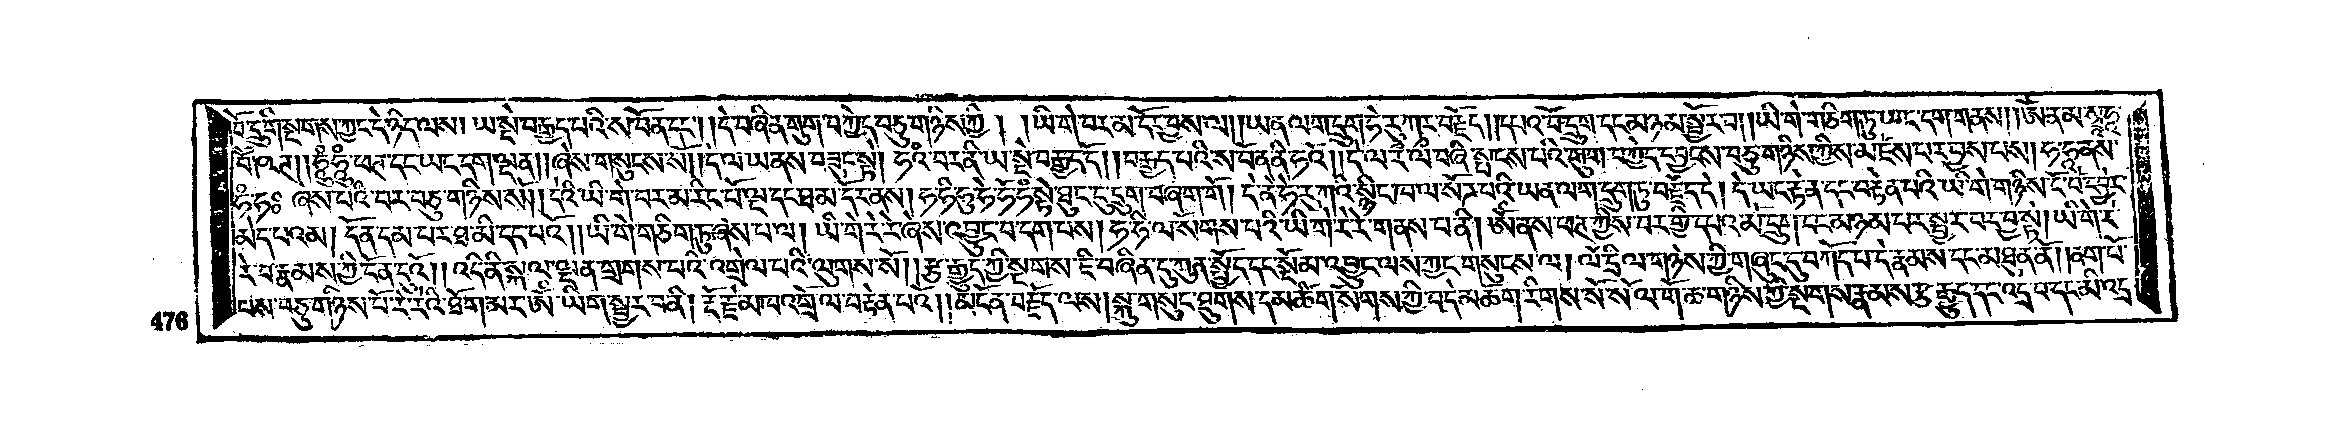བོ་དྲུག་གི་སྔགས་ཀྱང་དེ་ཉིད་ལས། ཡ་སྡེ་བརྒྱད་པའི་ས་བོན་དང་། །དེ་བཞིན་གུག་བཀྱེད་བཅུ་གཉིས་ཀྱི། །ཡི་གེ་བར་མ་དེར་བྱས་ལ། །ཡན་ལག་དྲུག་ཧེ་རུ་ཀར་བརྗོད། །དཔའ་བོ་དྲུག་དང་མཉམ་སྦྱོར་བ། །ཡི་གེ་གཅིག་ཏུ་ཡང་དག་གནས། །ཨོཾ་ན་མ་སྭཱ་ཧཱ་
བཽ་ཥཊ། །ཧཱུཾ་ཧཱུཾ་ཕཊ་དང་ཡང་དག་ལྡན། །ཞེས་གསུངས་སོ། །དེ་ལ་ཡ་ནས་བཟུང་སྟེ། ཧའཾ་བར་ནི་ཡ་སྡེ་བརྒྱད་དོ། །བརྒྱད་པའི་ས་བོན་ནི་ཧའོ། །དེ་ལ་རྀ་ལྀ་བཞི་སྤངས་པའི་གུག་བཀྱེད་དབྱངས་བཅུ་གཉིས་ཀྱིས་མཛེས་པར་བྱས་པས། ཧ་ཧཱ་ནས་
ཧཾ་ཧཿ ཞེས་པའི་བར་བཅུ་གཉིས་སོ། །དེའི་ཡི་གེ་བར་མ་རིང་པོ་ལྔ་དང་ཐ་མ་དོར་ནས། ཧ་ཧི་ཧུ་ཧེ་ཧོ་ཧཾ་སྟེ་ཐུང་དུ་དྲུག་བཞག་གོ །དེ་ནི་ཧེ་རུ་ཀའི་སྙིང་ཁ་ལ་སོགས་པའི་ཡན་ལག་དྲུག་ཏུ་བརྗོད་དེ། དེ་ཡང་རྟེན་དང་བརྟེན་པའི་ཡི་གེ་གཉིས་ངོ་བོ་དབྱེར་
མེད་པའམ། དོན་དམ་པར་ཐ་མི་དད་པའོ། །ཡི་གེ་གཅིག་ཏུ་ཞེས་པ་ལ། ཡི་གེ་རེ་རེ་ཞེས་འབྱུང་བ་དག་པས། ཧ་ཧི་ལ་སོགས་པའི་ཡི་གེ་རེ་རེ་གནས་པ་ནི། ཨོཾ་ནས་ཕཊ་ཀྱིས་བར་གྱི་དཔའ་མོ་དྲུག་དང་མཉམ་པར་སྦྱར་བར་བྱ་སྟེ། ཡི་གེ་རེ་
རེ་བ་རྣམས་ཀྱི་དོན་དུའོ། །འདི་ནི་སྐལ་ལྡན་གྲགས་པའི་འགྲེལ་པའི་ལུགས་སོ། །རྩ་རྒྱུད་ཀྱི་སྔགས་ཇི་བཞིན་དུ་ཀུན་སྤྱོད་དང་སྡོམ་འབྱུང་ལས་ཀྱང་གསུངས་ལ། ལོ་དྲིལ་གཉིས་ཀྱི་གཞུང་དུ་བཀོད་པ་དེ་རྣམས་དང་མཐུན་ནོ། །ནག་པོ་
པས་བཅུ་གཉིས་པོ་རེ་རེའི་ཐོག་མར་ཨོཾ་ཡིག་སྦྱར་བ་ནི། རྡོ་རྗེ་མཁའ་འགྲོ་ལ་བརྟེན་པའོ། །མངོན་བརྗོད་ལས། སྐུ་གསུང་ཐུགས་དམ་ཚིག་སོགས་ཀྱི་བདེ་མཆོག་རིགས་སོ་སོ་ལ་གོ་ཆ་གཉིས་ཀྱི་སྔགས་རྣམས་རྩ་རྒྱུད་དང་འདྲ་བ་དང་མི་འདྲ་